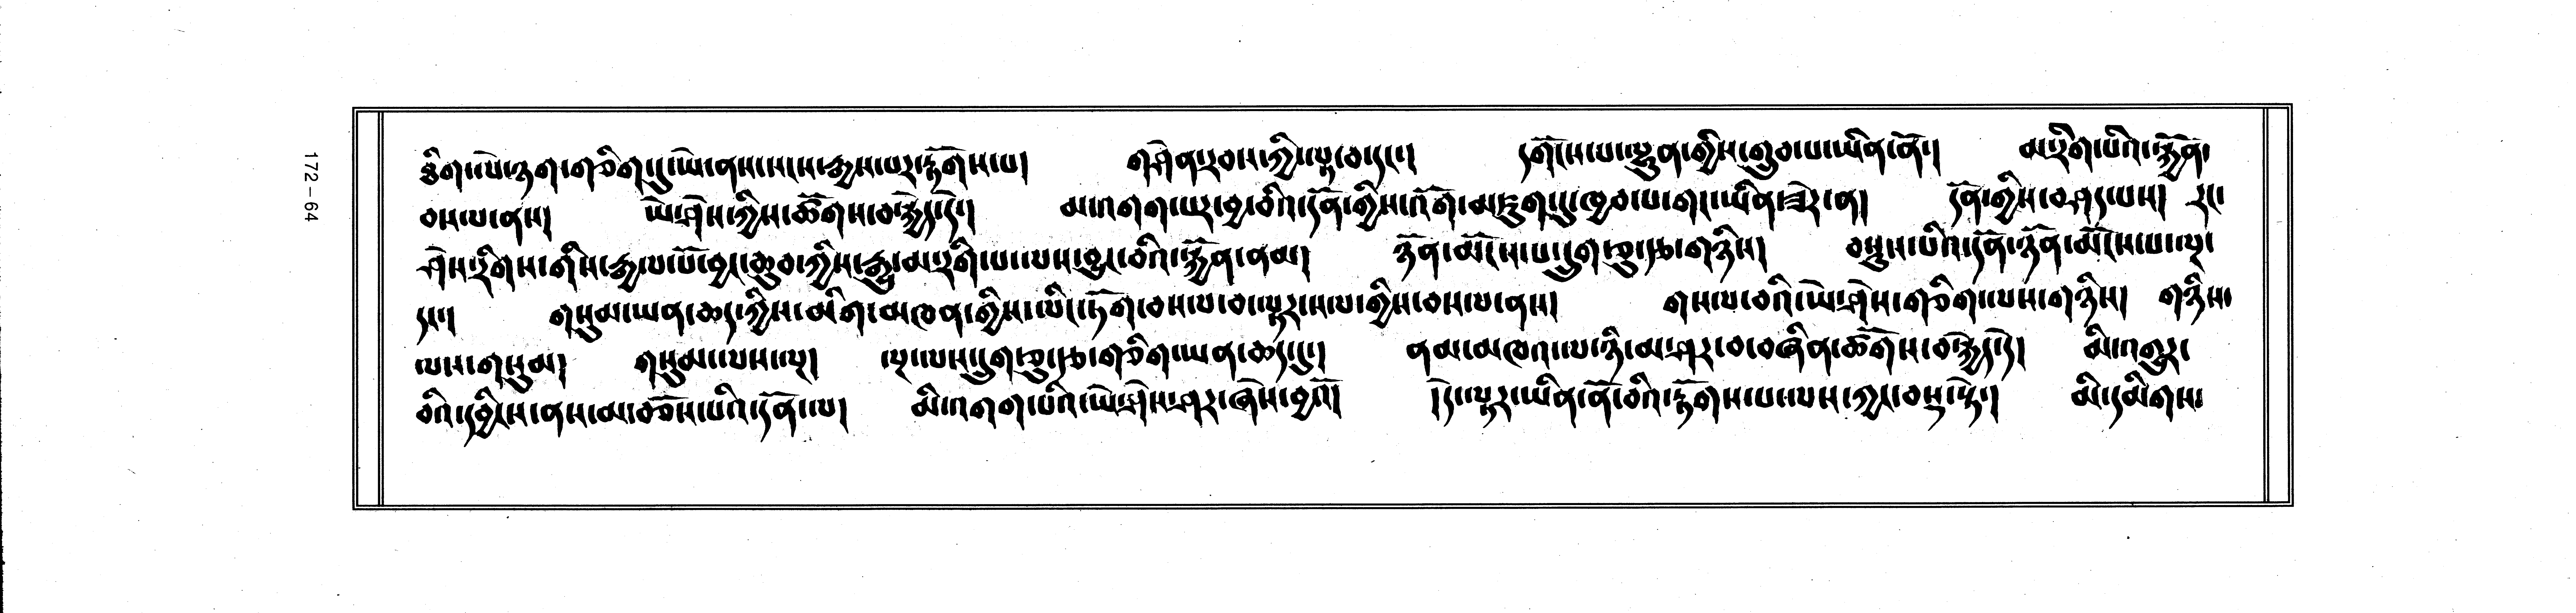ཐིག་ལེ་ཉག་གཅིག་དུ་ཡེ་ནས་སངས་རྒྱས་པར་རྟོགས་པ། གཤེན་རབ་ཀྱི་ལྟ་བ་དང་། དགོང་པ་ལྷུན་གྱིས་གྲུབ་པ་ཡིན་ནོ། མ་རིག་པའི་སྐྱོན་
བསལ་ནས། ཡེ་ཤེས་ཀྱིས་ཚོགས་བསྐྱེད་དེ། མ་འགག་པར་བྱ་བའི་དོན་གྱིས་མགོ་མཇུག་དུ་ཁྱབ་གང་ཡིན་ཟེར་ན། དོན་གྱིས་བཤད་པས། རང་
ཤེས་རིགས་གིས་རྒྱལ་པོ་བྱང་ཆུབ་ཀྱིས་རྒྱུ་མ་རིག་པ་ལས་བྱུང་བའི་སྐྱོན་ནམ། ཉོན་མོངས་པ་དྲུག་ཅུ་གཉིས། བསྡུས་པའི་དོན་ཉོན་མོངས་པ་ལྔ་
དང་། གསུམ་ཡན་ཆད་ཀྱི་མིག་མཁན་གྱིས་ལིང་ཏོག་བསལ་བ་ལྟར་སལ་གྱིས་བསལ་ནས། གསལ་བའི་ཡེ་ཤེས་གཅིག་ལས་གཉིས། གཉིས་
ལས་གསུམ། གསུམ་ལས་ལྔ་། ལྔ་ལས་དྲུག་ཅུ་རྩ་གཅིག་ཡན་ཆད་དུ། ནམ་མཁའ་ལ་ཉི་མ་ཤར་བ་བཞིན་ཚོགས་བསྐྱེད་དེ། མི་འགྱུར་
བའི་དབྱིངས་ནས་མ་བཅོས་པའི་དོན་ལ། མི་འགག་པའི་ཡེ་ཤེས་ཤར་ཞེས་བྱའོ། དེ་ལྟར་ཡིན་ནོ་བའི་རྟོགས་པ་ལས་ཀྱང་བསྡ་སྟེ། མི་དམིགས་